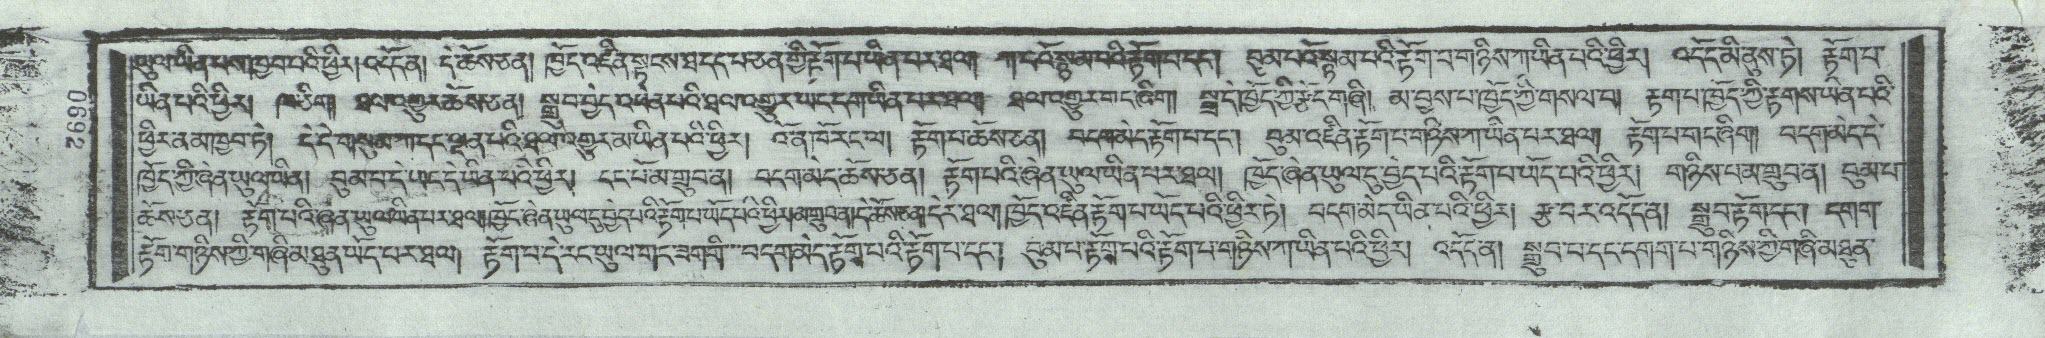ཡུལ་ཡིན་པས་ཁྱབ་པའི་ཕྱིར། འདོད་ན། དེ་ཆོས་ཅན། ཁྱོད་འཛིན་སྟངས་ཐ་དད་པ་ཅན་གྱི་རྟོག་པ་ཡིན་པར་ཐལ། ཀ་བའོ་སྙམ་པའི་རྟོག་པ་དང་། བུམ་པའོ་སྙམ་པའི་རྟོག་པ་གཉིས་ཀ་ཡིན་པའི་ཕྱིར། འདོད་མི་ནུས་ཏེ། རྟོག་པ་
ཡིན་པའི་ཕྱིར། ཁ་ཅིག། ཐལ་འགྱུར་ཆོས་ཅན། སྒྲུབ་བྱེད་འཕེན་པའི་ཐལ་འགྱུར་ཡང་དག་ཡིན་པར་ཐལ། ཐལ་འགྱུར་གང་ཞིག། སྒྲ་དེ་ཁྱོད་ཀྱི་རྩོད་གཞི། མ་བྱས་པ་ཁྱོད་ཀྱི་གསལ་བ། རྟག་པ་ཁྱོད་ཀྱི་རྟགས་ཡིན་པའི་
ཕྱིར་ན་མ་ཁྱབ་ཏེ། དེ་དེ་གསུམ་ཀ་དང་ལྡན་པའི་ཐལ་འགྱུར་མ་ཡིན་པའི་ཕྱིར། འོ་ན་ཁོ་རང་ལ། རྟོག་པ་ཆོས་ཅན། བདག་མེད་རྟོག་པ་དང་། བུམ་འཛིན་རྟོག་པ་གཉིས་ཀ་ཡིན་པར་ཐལ། རྟོག་པ་གང་ཞིག། བདག་མེད་དེ་
ཁྱོད་ཀྱི་ཞེན་ཡུལ་ཡིན། བུམ་པ་དེ་ཡང་དེ་ཡིན་པའི་ཕྱིར། དང་པོ་མ་གྲུབ་ན། བདག་མེད་ཆོས་ཅན། རྟོག་པའི་ཞེན་ཡུལ་ཡིན་པར་ཐལ། ཁྱོད་ཞེན་ཡུལ་དུ་བྱེད་པའི་རྟོག་པ་ཡོད་པའི་ཕྱིར། གཉིས་པ་མ་གྲུབ་ན། བུམ་པ་
ཆོས་ཅན། རྟོག་པའི་ཞེན་ཡུལ་ཡིན་པར་ཐལ། ཁྱོད་ཞེན་ཡུལ་དུ་བྱེད་པའི་རྟོག་པ་ཡོད་པའི་ཕྱིར། མ་གྲུབ་ན། དེ་ཆོས་ཅན། དེར་ཐལ། ཁྱོད་འཛིན་རྟོག་པ་ཡོད་པའི་ཕྱིར་ཏེ། བདག་མེད་ཡིན་པའི་ཕྱིར། རྩ་བར་འདོད་ན། སྒྲུབ་རྟོག་དང་། དགག་
རྟོག་གཉིས་ཀྱི་གཞི་མཐུན་ཡོད་པར་ཐལ། རྟོག་པ་དེ་རང་ཡུལ་གང་ཟག་གི་བདག་མེད་རྟོགས་པའི་རྟོག་པ་དང་། བུམ་པ་རྟོགས་པའི་རྟོག་པ་གཉིས་ཀ་ཡིན་པའི་ཕྱིར། འདོད་ན། སྒྲུབ་པ་དང་དགག་པ་གཉིས་ཀྱི་གཞི་མཐུན་